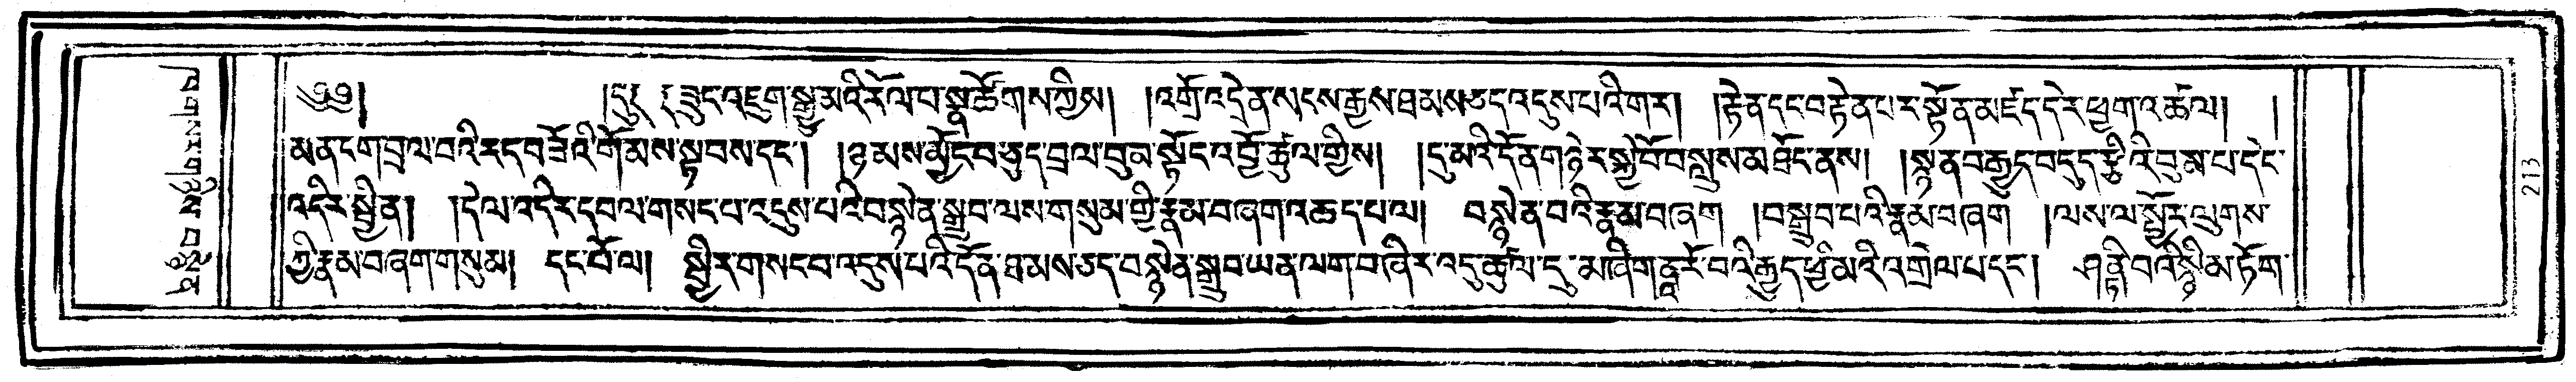༄༅། །དུ༑ ༑ཟུང་འཇུག་སྒྱུ་མའི་རོལ་པ་སྣ་ཚོགས་ཀྱིས། །འགྲོ་འདྲེན་སངས་རྒྱས་ཐམས་ཅད་འདུས་པའི་གར། །རྟེན་དང་བརྟེན་པར་སྟོན་མཛད་དེར་ཕྱག་འཚལ། །
མན་ངག་བྲལ་བའི་རང་བཟོའི་གོམས་སྟབས་དང་། །ཉམས་མྱོང་བ་ཅུད་བྲལ་བུམ་སྟོང་འབྱོ་ཚུལ་གྱིས། །དུ་མའི་དོན་གཉེར་སྐྱེ་བོ་བསླུས་མཐོང་ནས། །སྙན་བརྒྱུད་བདུད་རྩིའི་བུམ་པ་དེང་
འདིར་སྦྱིན། །དེ་ལ་འདིར་དཔལ་གསང་བ་འདུས་པའི་བསྙེན་སྒྲུབ་ལས་གསུམ་གྱི་རྣམ་བཞག་འཆད་པ་ལ། བསྙེན་བའི་རྣམ་བཞག །བསྒྲུབ་པའི་རྣམ་བཞག །ལས་ལ་སྤྱོར་ལུགས་
ཀྱི་རྣམ་བཞག་གསུམ། དང་པོ་ལ། སྤྱིར་གསང་བ་འདུས་པའི་དོན་ཐམས་ཅད་བསྙེན་སྒྲུབ་ཡན་ལག་བཞིར་འདུ་ཚུལ་དུ་མ་ཞིག་ནཱ་རོ་བའི་རྒྱུད་ཕྱི་མའི་འགྲེལ་པ་དང་། ཤནྟི་བའི་སྙིམ་ཏོག་